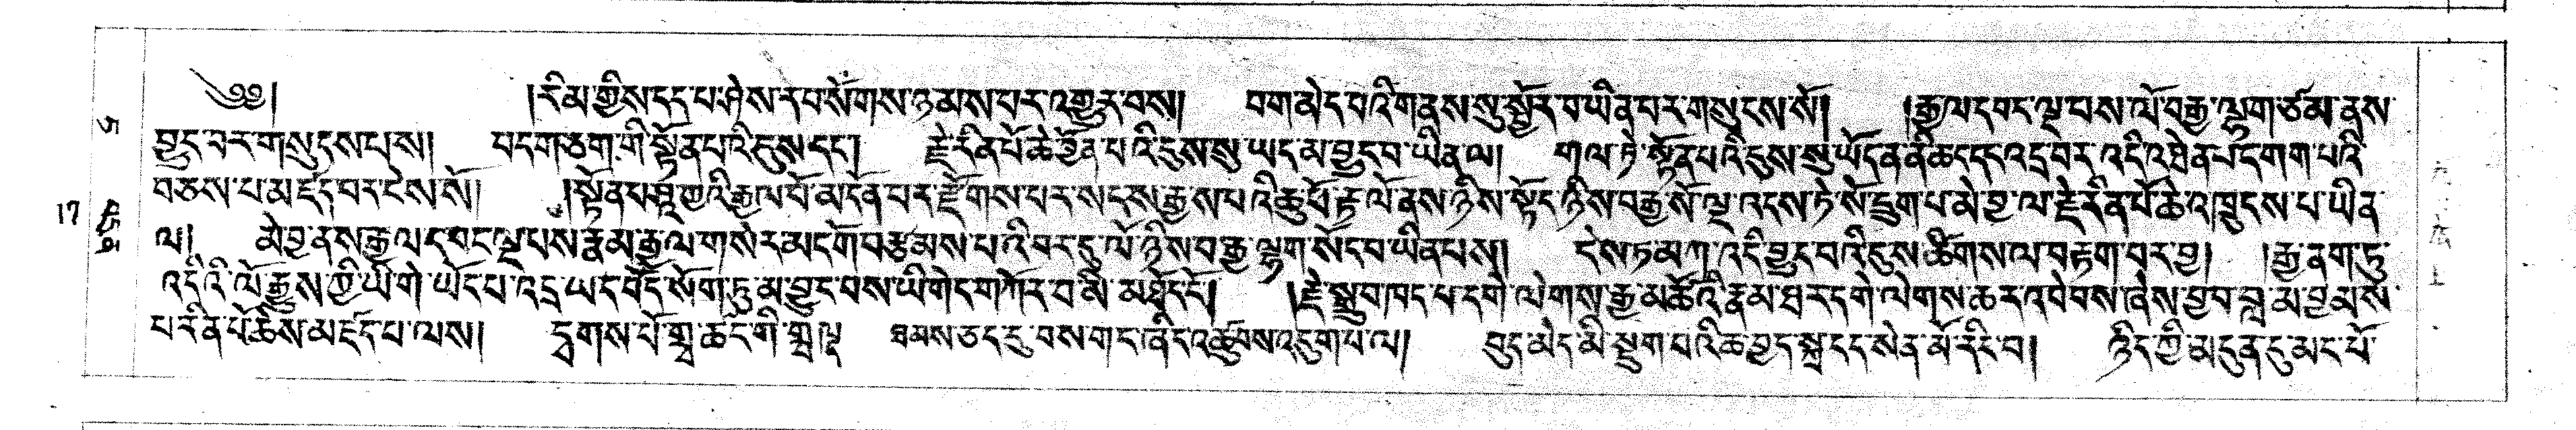༄༅། །རིམ་གྱིས་དད་པ་ཤེས་རབ་སོགས་ཉམས་པར་འགྱུར་བས། བག་མེད་བའི་གནས་སུ་སྦྱོར་བ་ཡིན་པར་གསུངས་སོ། །རྒྱལ་དབང་ལྔ་པས་ལོ་བརྒྱ་ལྷག་ཙམ་ནས་
བྱུང་བར་གསུངས་པས། བདག་ཅག་གི་སྟོན་པའི་དུས་དང་། རྗེ་རིན་པོ་ཆེ་བྱོན་པའི་དུས་སུ་ཡང་མ་བྱུང་བ་ཡིན་ལ། གལ་ཏེ་སྟོན་པའི་དུས་སུ་ཡོད་ན་ནི་ཆང་དང་འདྲ་བར་འདི་འཐེན་པ་དགག་པའི་
བཅས་པ་མཛད་བར་ངེས་སོ། །སྟོན་པ་ཤཱཀྱའི་རྒྱལ་པོ་མངོན་པར་རྫོགས་པར་སངས་རྒྱས་པའི་ཆུ་ཕོ་རྟ་ལོ་ནས་ཉིས་སྟོང་ཉིས་བརྒྱ་སོ་ལྔ་འདས་ཏེ་སོ་དྲུག་པ་མེ་བྱ་ལ་རྗེ་རིན་པོ་ཆེ་འཁྲུངས་པ་ཡིན་
ལ། མེ་བྱ་ནས་རྒྱལ་དབང་ལྔ་པས་རྣམ་རྒྱལ་གསེར་མདོག་བརྩམས་པའི་བར་དུ་ལོ་ཉིས་བ་རྒྱ་ལྷག་སོང་བ་ཡིན་པས། དེས་ཏ་མ་ཀ་འདི་བྱུང་བའི་དུས་ཚིགས་ལ་བརྟག་པར་བྱ། །རྒྱ་ནག་ཏུ་
འདིའི་ལོ་རྒྱུས་ཀྱི་ཡི་གེ་ཡོད་པ་འདྲ་ཡང་བོད་སོག་ཏུ་མ་བྱུང་བས་ཡི་གེ་དག་ཀོར་བ་མི་མཐོང་ངོ། །རྗེ་སྒྲུབ་ཁང་པ་དགེ་ལེགས་རྒྱ་མཚོའི་རྣམ་ཐར་དགེ་ལེགས་ཆར་འབེབས་ཞེས་བྱ་བ་བླ་མ་བྱམས་
པ་རིན་པོ་ཆེས་མཛད་པ་ལས། དྭགས་པོ་གྲྭ་ཚང་གི་གྲྭ་ལྔ། ཐམས་ཅད་དུ་བས་གང་ཞིང་འཚུབས་འདུག་པ་ལ། བུད་མེད་མི་སྡུག་བའི་ཆ་བྱད་སྐྲ་ངད་སེན་མོ་རིང་བ། ཉིད་ཀྱི་མདུན་དུ་མང་པོ་